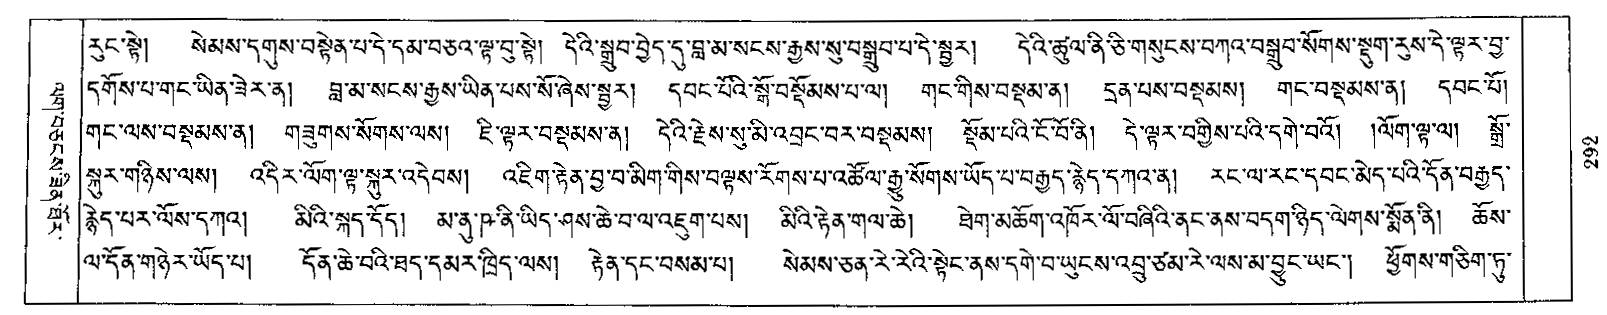རུང་སྟེ། སེམས་དགུས་བསྟེན་པ་དེ་དམ་བཅའ་ལྟ་བུ་སྟེ། དེའི་སྒྲུབ་བྱེད་དུ་བླ་མ་སངས་རྒྱས་སུ་བསྒྲུབ་པ་དེ་སྦྱར། དེའི་ཚུལ་ནི་ཅི་གསུངས་བཀའ་བསྒྲུབ་སོགས་སྡུག་རུས་དེ་ལྟར་བྱ་
དགོས་པ་གང་ཡིན་ཟེར་ན། བླ་མ་སངས་རྒྱས་ཡིན་པས་སོ་ཞེས་སྦྱར། དབང་པོའི་སྒོ་བསྡོམས་པ་ལ། གང་གིས་བསྡམས་ན། དྲན་པས་བསྡམས། གང་བསྡམས་ན། དབང་པོ།
གང་ལས་བསྡམས་ན། གཟུགས་སོགས་ལས། ཇི་ལྟར་བསྡམས་ན། དེའི་རྗེས་སུ་མི་འབྲང་བར་བསྡམས། སྡོམ་པའི་ངོ་བོ་ནི། དེ་ལྟར་བགྱིས་པའི་དགེ་བའོ། །ལོག་ལྟ་ལ། སྒྲོ་
སྐུར་གཉིས་ལས། འདིར་ལོག་ལྟ་སྐུར་འདེབས། འཇིག་རྟེན་བྱ་བ་མིག་གིས་བལྟས་རོགས་པ་འཚོལ་རྒྱུ་སོགས་ཡོད་པ་བརྒྱད་རྙེད་དཀའ་ན། རང་ལ་རང་དབང་མེད་པའི་དོན་བརྒྱད་
རྙེད་པར་ལོས་དཀའ། མིའི་སྐད་དོད། མ་ནུ་ཥ་ནི་ཡིད་ཤས་ཆེ་བ་ལ་འཇུག་པས། མིའི་རྟེན་གལ་ཆེ། ཐེག་མཆོག་འཁོར་ལོ་བཞིའི་ནང་ནས་བདག་ཉིད་ལེགས་སྨོན་ནི། ཆོས་
ལ་དོན་གཉེར་ཡོད་པ། དོན་ཆེ་བའི་ཐད་དམར་ཁྲིད་ལས། རྟེན་དང་བསམ་པ། སེམས་ཅན་རེ་རེའི་སྟེང་ནས་དགེ་བ་ཡུངས་འབྲུ་ཙམ་རེ་ལས་མ་བྱུང་ཡང་། ཕྱོགས་གཅིག་ཏུ་